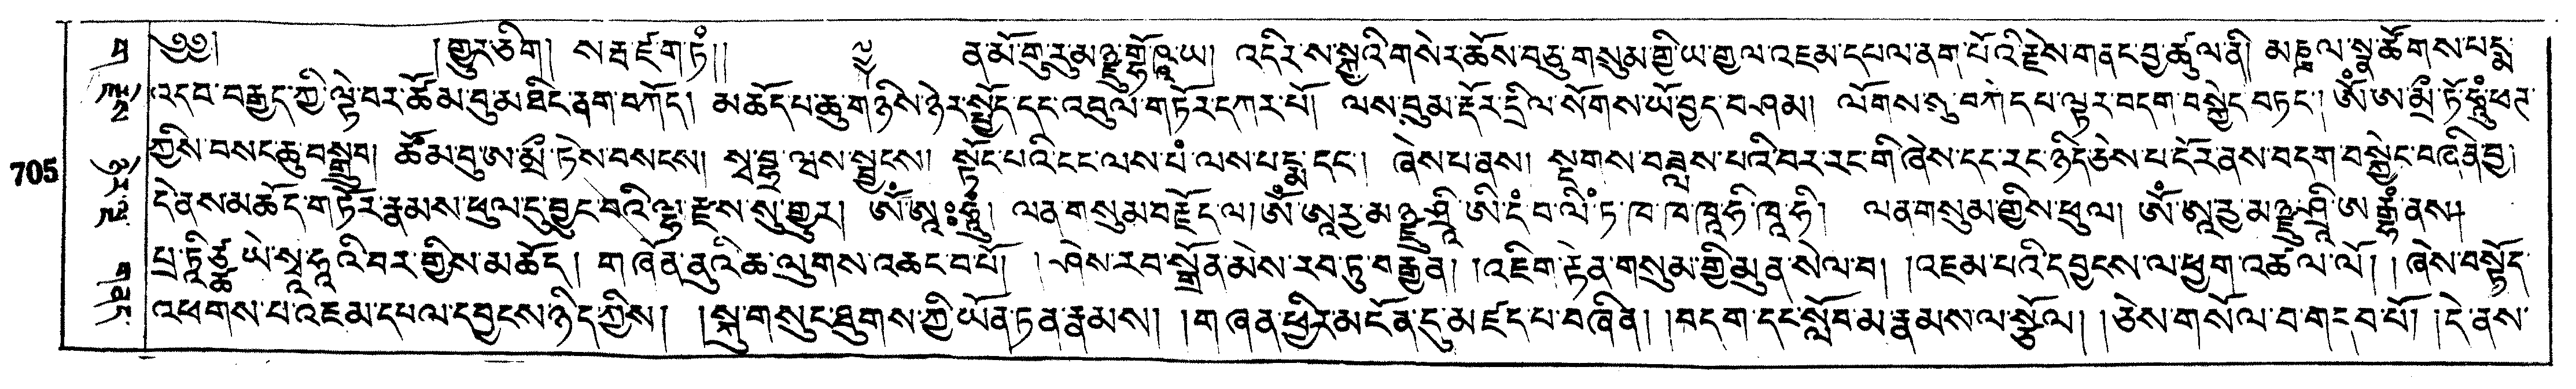༄༅། །གྱུར་ཅིག །སརྦ་ཛ་ག་ཏཾ།། ༈ ན་མོ་གུ་རུ་མཉྫུ་གྷོ་ཥྵ་ཡ། འདིར་ས་སྐྱའི་གསེར་ཆོས་བཅུ་གསུམ་གྱི་ཡ་གྱལ་འཇམ་དཔལ་ནག་པོའི་རྗེས་གནང་བྱ་ཚུལ་ནི། མཎྜལ་སྣ་ཚོགས་པདམ་
འདབ་བརྒྱད་ཀྱི་ལྟེ་བར་ཚོམ་བུ་མཐིང་ནག་བཀོད། མཆོད་པ་ཆུ་གཉིས་ཉེར་སྤྱོད་དང་འབུལ་གཏོར་དཀར་པོ། ལས་བུམ་རྡོར་དྲིལ་སོགས་ཡོ་བྱད་བཤམ། ལོགས་སུ་བཀོད་པ་ལྟར་བདག་བསྐྱེད་བཏང་། ཨོཾ་ཨ་མྲྀ་ཏོ་ཧཱུཾ་ཕཊ་
ཀྱིས་བསང་ཆུ་བསྒྲུབ། ཚོམ་བུ་ཨ་མྲྀ་ཏེས་བསངས། སྭ་བྷྲ་ཝས་སྦྱངས། སྟོང་པའི་ངང་ལས་པཾ་ལས་པདམ་དང་། ཞེས་པ་ནས། སྔགས་བཟླས་པའི་བར་རང་གི་ཞེས་དང་རང་ཉིད་ཅེས་པ་དོར་ནས་བདག་བསྐྱེད་བཞིན་བྱ།
དེ་ནས་མཆོད་གཏོར་རྣམས་ཕུལ་དུ་བྱུང་བའི་ལྷ་རྫས་སུ་གྱུར། ཨོཾ་ཨཱཿ ཧཱུཾ། ལན་གསུམ་བརྗོད་ལ། ཨོཾ་ཨཱརྱ་མཉྫུ་ཤྲཱི་ཡི་དཾ་བ་ལི་ཏཾ་ཁ་ཁ་ཁཱ་ཧི་ཁཱ་ཧི། ལན་གསུམ་གྱིས་ཕུལ། ཨོཾ་ཨཱརྱ་མཉྫུ་ཤྲཱི་ཨརྒྷཾ་ནས།
པྲ་ཏཱི་ཙྪ་ཡེ་སྭཱ་ཧཱའི་བར་གྱིས་མཆོད། གཞོན་ནུའི་ཆ་ལུགས་འཆང་བ་པོ། །ཤེས་རབ་སྒྲོན་མེས་རབ་ཏུ་བརྒྱན། །འཇིག་རྟེན་གསུམ་གྱི་མུན་སེལ་བ། །འཇམ་པའི་དབྱངས་ལ་ཕྱག་འཚལ་ལོ། །ཞེས་བསྟོད་
འཕགས་པ་འཇམ་དཔལ་དབྱངས་ཉིད་ཀྱིས། །སྐུ་གསུང་ཐུགས་ཀྱི་ཡོན་ཏན་རྣམས། །གཞན་ཕྱིར་མངོན་དུ་མཛད་པ་བཞིན། །བདག་དང་སློབ་མ་རྣམས་ལ་སྩོལ། །ཅེས་གསོལ་བ་གདབ་པོ། །དེ་ནས་